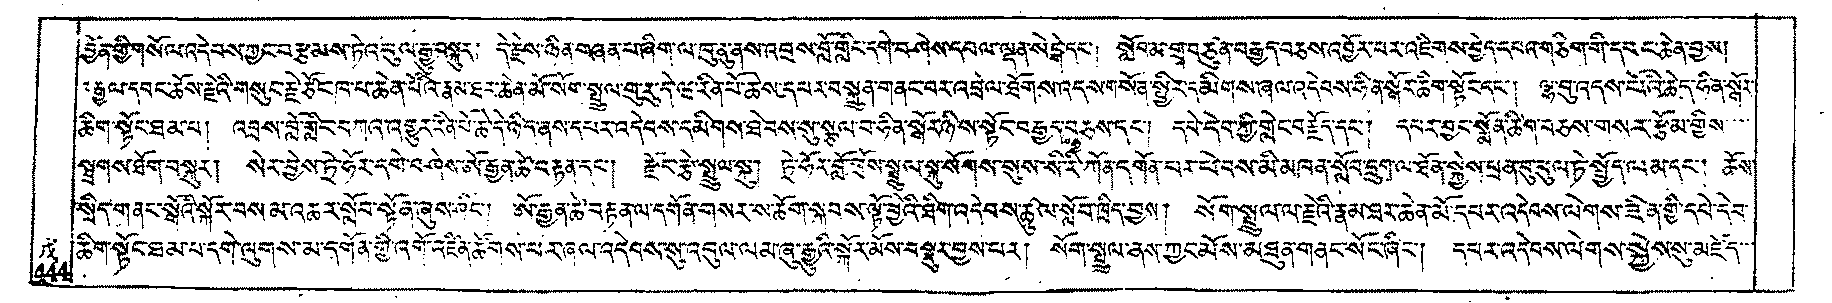བྱོན་གྱི་གསོལ་འདེབས་ཀྱང་བརྩམས་ཏེ་འབུལ་རྒྱུ་བསྐུར། དེ་རྗེས་ཉིན་གཞན་པ་ཞིག་ལ་ཁུ་ནུ་ནས་འབྲས་བློ་གླིང་དགེ་བཤེས་དཔལ་ལྡན་སེངྒེ་དང་། སློབ་མ་གྲྭ་བཙུན་བརྒྱད་བཅས་འབྱོར་པར་འཇིགས་བྱེད་དཔའ་གཅིག་གི་དབང་ཆེན་བྱས།
༧རྒྱལ་དབང་ཆོས་རྗེའི་གསུང་རྗེ་ཙོང་ཁ་པ་ཆེན་པོའི་རྣམ་ཐར་ཆེན་མོ་སོགས་སྤྲུལ་གུ་རུ་དེ་ཝ་རིན་པོ་ཆེས་དཔར་བསྐྲུན་གནང་བར་འབྲེལ་ཐོགས་འདས་གསོན་སྤྱིར་དམིགས་ཞལ་འདེབས་ཧིན་སྒོར་ཆིག་སྟོང་དང་། ལྷ་བུ་འདས་པོའི་ཆེད་ཧིན་སྒོར་
ཆིག་སྟོང་ཐམ་པ། འབྲས་བློ་གླིང་བཀའ་འགྱུར་རིན་པོ་ཆེ་དེ་ཉིད་ནས་དཔར་འདེབས་དམིགས་ཐེབས་སུ་སྩལ་བ་ཧིན་སྒོར་ཉིས་སྟོང་བརྒྱད་བརྒྱ་བཅས་དང་། དཔེ་དེབ་ཀྱི་གླེང་བརྗོད་དང་། དཔར་བྱང་སྨོན་ཚིག་བཅས་གསར་རྩོམ་གྱིས་
སྦྲགས་ཐོག་བསྐུར། སེར་བྱེས་ཏྲེ་ཧོར་དགེ་བཤེས་ཨོ་རྒྱན་ཚེ་བརྟན་དང་། རྫོང་རྩེ་སྤྲུལ་སྐུ། ཏྲེ་ཧོར་བློ་གྲོས་སྤྲུལ་སྐུ་སོགས་སུས་སི་རི་ཀོན་དགོན་པར་ཕེབས་མི་མཁན་སློབ་དྲུག་ལ་ཐོན་སྐྱེས་ཕྲན་བུ་ཕུལ་ཏེ་སྤྱོད་ལམ་དང་། ཆོས་
སྲིད་གནང་སྒོའི་སྐོར་བསམ་འཆར་སློབ་སྟོན་ཞུས་ཤིང་། ཨོ་རྒྱན་ཚེ་བརྟན་ལ་དགོན་གསར་ས་ཆོག་སྐབས་ལྟོ་ཕྱེའི་ཐིག་འདེབས་ཚུལ་སློབ་ཁྲིད་བྱས། སོག་སྤྲུལ་ལ་རྗེའི་རྣམ་ཐར་ཆེན་མོ་དཔར་འདེབས་ལེགས་ཟིན་གྱི་དཔེ་དེབ་
ཆིག་སྟོང་ཐམ་པ་དགེ་ལུགས་མ་དགོན་གྱི་འགོ་འཛིན་ཚོགས་པར་ཞལ་འདེབས་སུ་འབུལ་ལམ་ཞུ་རྒྱུའི་སྐོར་མོས་བསྡུར་བྱས་པར། སོག་སྤྲུལ་ནས་ཀྱང་མོས་མཐུན་གནང་སོང་ཞིང་། དཔར་འདེབས་ལེགས་སྐྱེས་སུ་མཛོད་